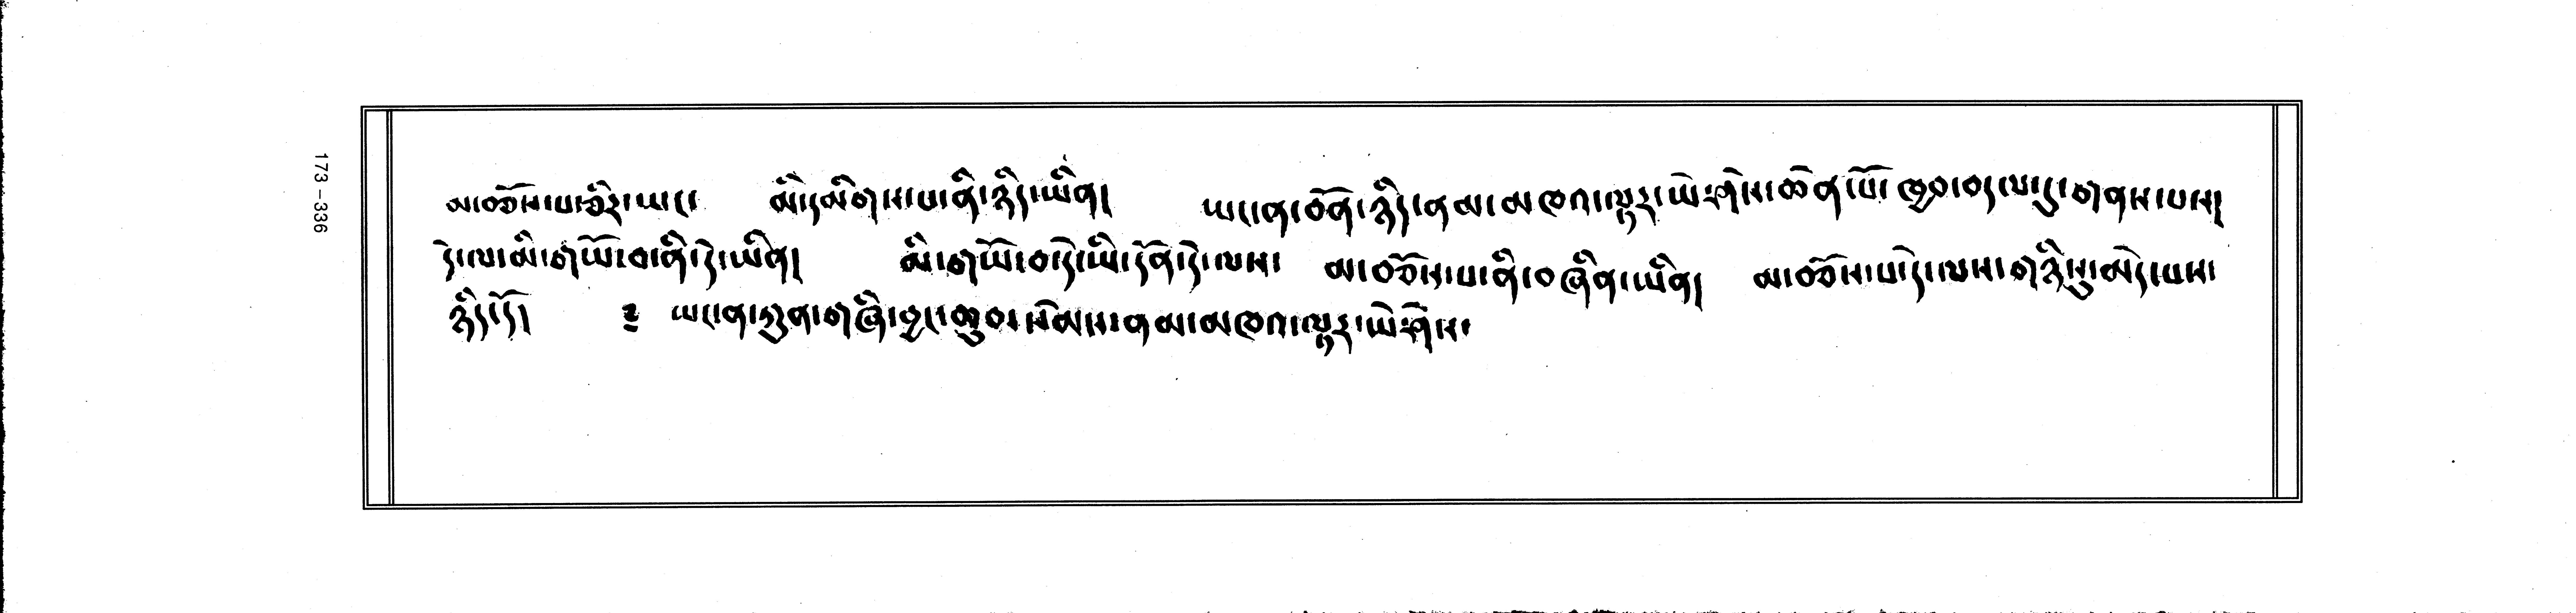མ་གཡོས་པ་ཅིར་ཡང་མི་དམིགས་པ་ནི་ཉིད་ཡིན། ཡང་ན་བོན་ཉིད་ནམ་མཁའ་ལྟར་ཡེ་ཤེས་ཆེན་པོ་ཁྱབ་བདལ་དུ་གནས་པས། 
དེ་ལ་མི་གཡོ་བ་ནི་དེ་ཡིན། མི་གཡོ་བ་དེ་ཡི་དོན་དེ་ལས་མ་བཅོས་པ་ནི་བཞིན་ཡིན། མ་བཅོས་པ་དེ་ལས་གཉིས་སུ་མེད་པས་
ཉིད་དོ། །ཡང་ན་ཀུན་གཞི་བྱང་ཆུབ་ཀྱི་སེམས་ནམ་མཁའ་ལྟར་ཡེ་ཤེས་